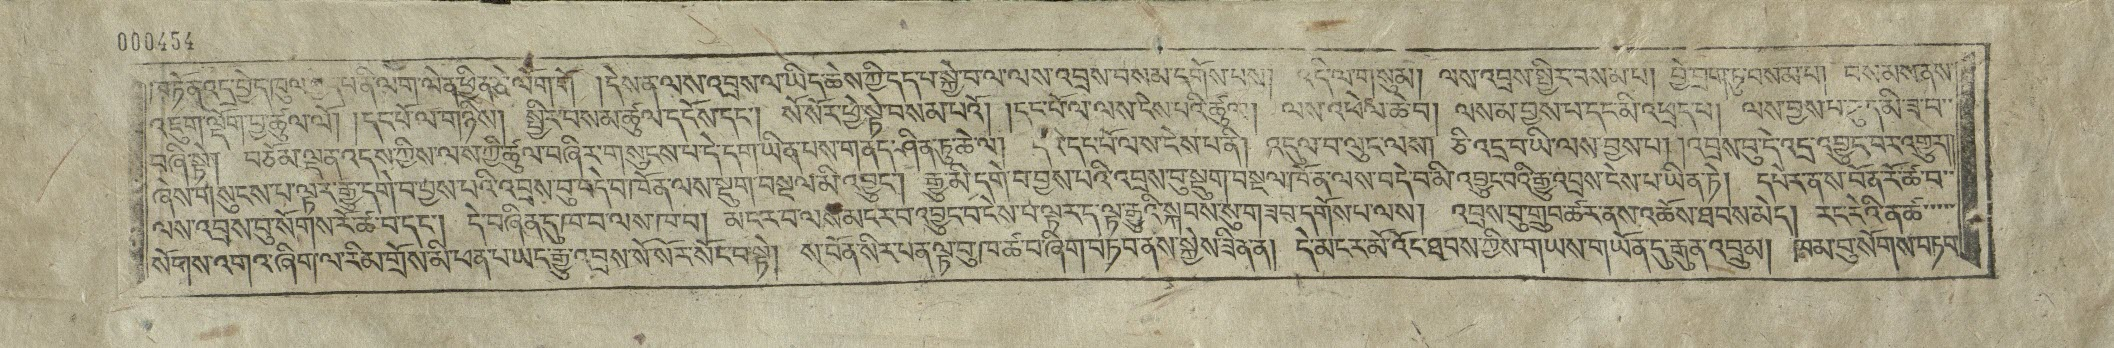ཁ་ཏོན་འདྲ་བྱེད་ཁུལ་བྱེད་པ་ནི་ལག་ལེན་ཕྱིན་ཅི་ལོག་གོ །དེས་ན་ལས་འབྲས་ལ་ཡིད་ཆེས་ཀྱི་དད་པ་སྐྱེ་བ་ལ་ལས་འབྲས་བསམ་དགོས་པས། འདི་ལ་གསུམ། ལས་འབྲས་སྤྱིར་བསམ་པ། བྱེ་བྲག་ཏུ་བསམ་པ། བསམས་ནས་
འཇུག་ལྡོག་བྱ་ཚུལ་ལོ། །དང་པོ་ལ་གཉིས། སྤྱིར་བསམ་ཚུལ་དངོས་དང་། སོ་སོར་ཕྱེ་སྟེ་བསམ་པའོ། །དང་པོ་ལ་ལས་ངེས་པའི་ཚུལ། ལས་འཕེལ་ཆེ་བ། ལས་མ་བྱས་པ་དང་མི་འཕྲད་པ། ལས་བྱས་པ་ཆུད་མི་ཟ་བ་
བཞི་སྟེ། བཅོམ་ལྡན་འདས་ཀྱིས་ལས་ཀྱི་ཚུལ་བཞིར་གསུངས་པ་དེ་དག་ཡིན་པས་གནད་ཤིན་ཏུ་ཆེ་ལ། དེའི་དང་པོ་ལས་ངེས་པ་ནི། འདུལ་བ་ལུང་ལས། ཅི་འདྲ་བ་ཡི་ལས་བྱས་པ། །འབྲས་བུ་དེ་འདྲ་འབྱུང་བར་འགྱུར། །
ཞེས་གསུངས་པ་ལྟར་རྒྱུ་དགེ་བ་བྱས་པའི་འབྲས་བུ་བདེ་བ་ཁོ་ན་ལས་སྡུག་བསྔལ་མི་འབྱུང་། རྒྱུ་མི་དགེ་བ་བྱས་པའི་འབྲས་བུ་སྡུག་བསྔལ་ཁོ་ན་ལས་བདེ་བ་མི་འབྱུང་བའི་རྒྱུ་འབྲས་ངེས་པ་ཡིན་ཏེ། དཔེར་ན་ས་བོན་རོ་ཚ་བ་
ལས་འབྲས་བུ་སོགས་རོ་ཚ་བ་དང་། དེ་བཞིན་དུ་ཁ་བ་ལས་ཁ་བ། མངར་བ་ལས་མངར་བ་འབྱུང་བ་ངེས་པ་ལྟར་ད་ལྟ་རྒྱུའི་སྐབས་སུ་གཟབ་དགོས་པ་ལས། འབྲས་བུ་གྲུབ་ཚར་ནས་འཆོས་ཐབས་མེད། རང་རེའི་ན་ཚ་
སོགས་འགའ་ཞིག་ལ་རིམ་གྲོས་མི་ཕན་པ་ཡང་རྒྱུ་འབྲས་སོ་སོར་སོང་བ་སྟེ། ས་བོན་སིར་པན་ལྟ་བུ་ཁ་ཆེ་བ་ཞིག་བཏབ་ནས་སྐྱེས་ཟིན་ན། དེ་མངར་མོ་འོང་ཐབས་ཀྱིས་གཡས་གཡོན་དུ་རྒུན་འབྲུམ། ཁམ་བུ་སོགས་བཏབ་